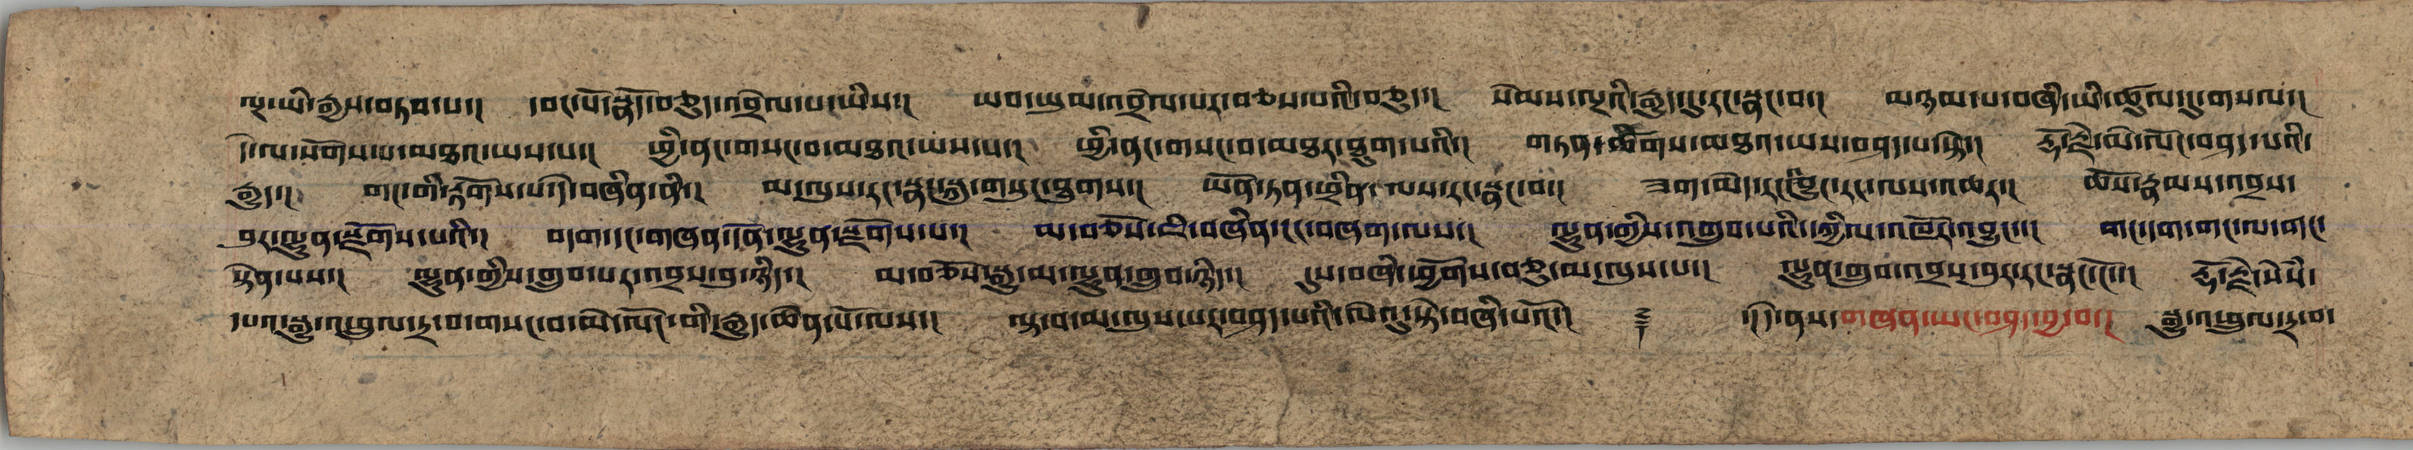ལྔ་ཡི་རྒྱས་བཏབ་པ་། དབང་པོ་སྣོད་བཅུད་འབྲེལ་པ་ཡིས་། ཡབ་ཡུམ་འབྲེལ་པར་བཅས་པའི་བཅུད་། སེམས་ལྔའི་རྒྱུད་དུ་རང་སྣང་བ་། མཉམ་པ་བཞི་ཡི་ཚུལ་དུ་གསལ་།
དེ་ལ་སོགས་པ་མཐའ་ཡས་པ་། ཕྱི་ནང་གསང་བ་མཐའ་ཡས་པ་། ཕྱི་ནང་གསང་བ་མཐར་ཐུག་པའི་། གཏན་ཚིགས་མཐའ་ཡས་བཤད་པ་སྟེ་། རྡོ་རྗེ་མེ་ལོང་བཤད་པའི་
རྒྱུད་། གང་གི་རྟོགས་པ་དེ་བཞིན་ནི་། མ་ལུས་རང་སྣང་སྐུ་གསུང་ཐུགས་། ཡོན་ཏན་ཕྲིན་ལས་རང་སྣང་བ་། ཟག་མེད་རང་བྱུང་རང་ལས་འཆར་། ཆོས་རྣམས་འབྲས་
བུར་ལྷུན་སྫོགས་པའི་། བདག་དང་གཞན་དོན་ལྷུན་སྫོགས་པ་། མ་བཅོས་ཇི་བཞིན་ངང་གཞག་ལས་། ལྷུན་གྱིས་འགྲུབ་པའི་དཀྱིལ་འཁོར་འབྱུང་་། གང་དག་གང་ལ་གང་
སྟེན་པས་། ལྷུན་གྱིས་གྲུབ་པར་འབྲས་བུ་ཉིད་། མ་བཅོས་སྒྱུ་མ་ལྷུན་གྲུབ་ཉིད་། དུས་བཞི་ཕྱོགས་བཅུ་མ་ལུས་པ་། ལྷུན་གྲུབ་འབྲས་བུར་རང་སྣང་ངོ་་། རྡོ་རྗེ་སེཾས་
དཔའ་སྒྱུ་འཕྲུལ་དྲ་བ་གསང་བ་མེ་ལོང་གི་རྒྱུད་ཆེན་པོ་ལས་། ལྟ་བ་མ་ལུས་པར་བཤད་པའི་ལེའུ་སྟེ་བཞི་པའོ་། ༈ ་།དེ་ནས་གཞན་ཡང་བཤད་བྱ་བ་། སྒྱུ་འཕྲུལ་དྲ་བ་